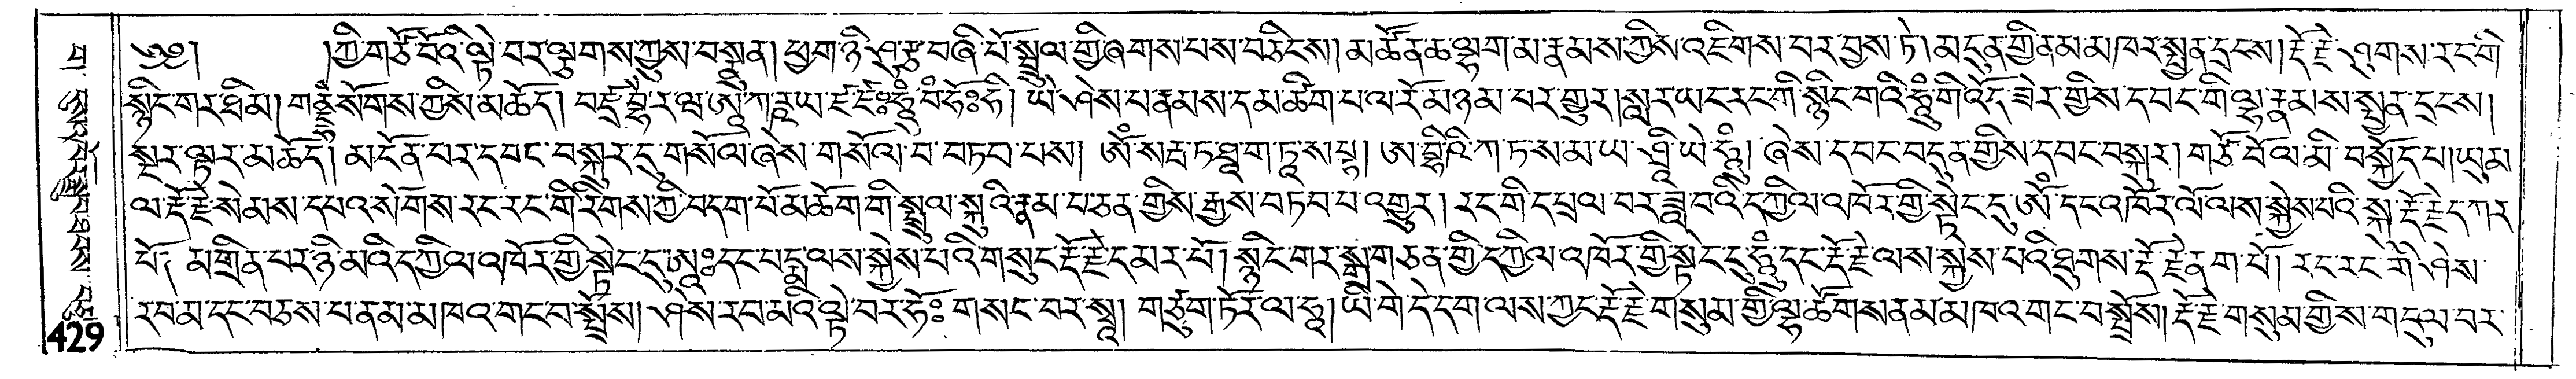༄༅། །ཀྱི་གཙོ་བོའི་ལྟེ་བར་ལྕགས་ཀྱུས་བསྣུན། ཕྱག་ཉི་ཤུ་རྩ་བཞི་པོ་སྦྲུལ་གྱི་ཞགས་པས་བཅིངས། མཚོན་ཆ་ལྷག་མ་རྣམས་ཀྱིས་འཇིགས་པར་བྱས་ཏེ། མདུན་གྱི་ནམ་མཁར་སྤྱན་དྲངས། རྡོ་རྗེ་ཤུགས་རང་གི་
སྙིང་གར་ཐིམ། གནྡྷི་སོགས་ཀྱིས་མཆོད། བཛྲ་བྷཻ་ར་ཝ་ཨཱ་ཀ་རྵ་ཡ་ཛ་ཛཿ ཧཱུཾ་བཾ་ཧོཿ ཧི། ཡེ་ཤེས་པ་རྣམས་དམ་ཚིག་པ་ལ་རོ་མཉམ་པར་གྱུར། སླར་ཡང་རང་གི་སྙིང་གའི་ཧཱུཾ་གི་འོད་ཟེར་གྱིས་དབང་གི་ལྷ་རྣམས་སྤྱན་དྲངས།
སྔར་ལྟར་མཆོད། མངོན་པར་དབང་བསྐུར་དུ་གསོལ་ཞེས་གསོལ་བ་བཏབ་པས། ཨོཾ་སརྦ་ཏ་ཐཱ་ག་ཏཱ་སཔྟ། ཨ་བྷི་ཥི་ཀ་ཏ་ས་མ་ཡ་ཤྲཱི་ཡེ་ཧཱུཾ། ཞེས་དབང་བདུན་གྱིས་དབང་བསྐུར། གཙོ་བོ་ལ་མི་བསྐྱོད་པ། ཡུམ་
ལ་རྡོ་རྗེ་སེམས་དཔའ་སོགས་རང་རང་གི་རིགས་ཀྱི་བདག་པོ་མཆོག་གི་སྤྲུལ་སྐུའི་རྣམ་པ་ཅན་གྱིས་རྒྱས་བཏབ་པ་འགྱུར། རང་གི་དཔྲལ་བར་ཟླ་བའི་དཀྱིལ་འཁོར་གྱི་སྟེང་དུ་ཨོཾ་དང་འཁོར་ལོ་ལས་སྐྱེས་པའི་སྐུ་རྡོ་རྗེ་དཀར་
པོ༑ མགྲིན་པར་ཉི་མའི་དཀྱིལ་འཁོར་གྱི་སྟེང་དུ་ཨཱཿ དང་པདམ་ལས་སྐྱེས་པའི་གསུང་རྡོ་རྗེ་དམར་པོ། སྙིང་གར་སྒྲ་གཅན་གྱི་དཀྱིལ་འཁོར་གྱི་སྟེང་དུ་ཧཱུཾ་དང་རྡོ་རྗེ་ལས་སྐྱེས་པའི་ཐུགས་རྡོ་རྗེ་ནག་པོ། རང་རང་གི་ཤེས་
རབ་མ་དང་བཅས་པ་ནམ་མཁའ་གང་བ་སྤྲོས། ཤེས་རབ་མའི་ལྟེ་བར་ཧོཿ གསང་བར་སྭཱ། གཙུག་ཏོར་ལ་ཧཱ། ཡི་གེ་དེ་དག་ལས་ཀྱང་རྡོ་རྗེ་གསུམ་གྱི་ལྷ་ཚོགས་ནམ་མཁའ་གང་བ་སྤྲོས། རྡོ་རྗེ་གསུམ་གྱིས་གདུལ་བར་